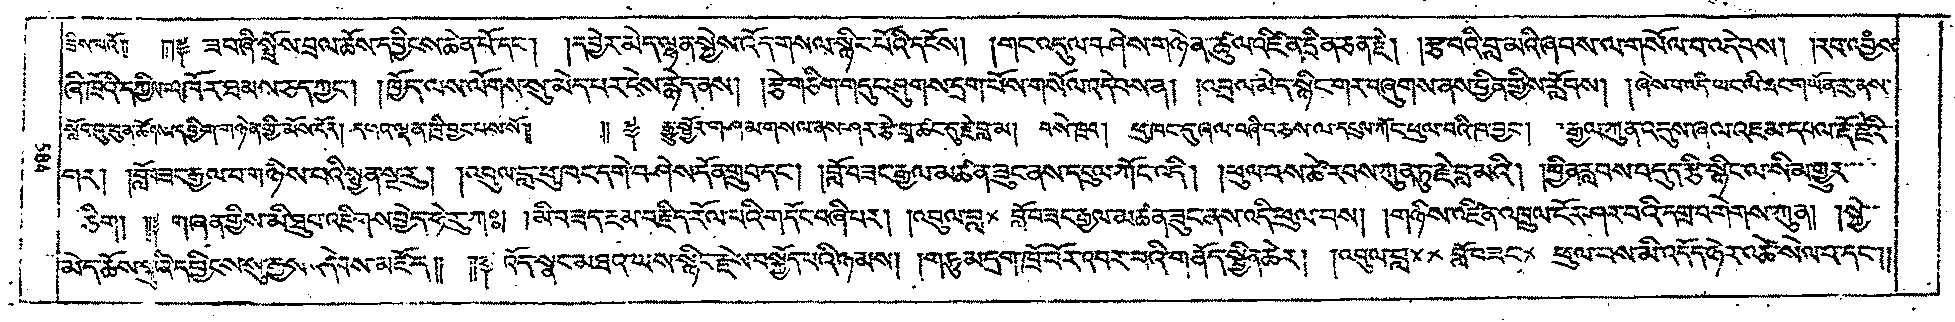བྲིས་པའོ།། །། ༈ ཟབ་ཞི་སྤྲོས་བྲལ་ཆོས་དབྱིངས་ཆེན་པོ་དང་། །དབྱེར་མེད་ལྷན་སྐྱེས་འོད་གསལ་སྙིང་པོའི་དངོས། །གང་འདུལ་བཤེས་གཉེན་ཚུལ་འཛིན་དྲིན་ཅན་རྗེ། །རྩ་བའི་བླ་མའི་ཞབས་ལ་གསོལ་བ་འདེབས། །རབ་འབྱམས་
ཞི་ཁྲོའི་དཀྱིལ་འཁོར་ཐམས་ཅད་ཀྱང་། །ཁྱོད་ལས་ལོགས་སུ་མེད་པར་ངེས་རྙེད་ནས། །རྩེ་གཅིག་གདུང་ཤུགས་དྲག་པོས་གསོལ་འདེབས་ན། །འབྲལ་མེད་སྙིང་གར་བཞུགས་ནས་བྱིན་གྱིས་རློབས། །ཞེས་པ་འདི་ཡང་ལི་ཐང་གཡོན་རུ་ནས་
སློབ་བུ་ཕུན་ཚོགས་དབྱིག་གཉེན་གྱི་མོས་ངོར། དགའ་ལྡན་ཁྲི་བྱང་པས་སོ།། །། ༈ རྒྱུ་སྦྱོར་གཤམ་གསལ་ནས་ཤར་རྩེ་གྲྭ་ཚང་དུ་རྗེ་བླ་མ། བསེ་ཁྲབ། ཕུ་ཁང་དུ་ཞལ་བཞི་བཅས་ལ་དངུལ་ཀོང་ཕུལ་བའི་ཁ་བྱང་། ༧རྒྱལ་ཀུན་འདུས་ཞལ་འཇམ་དཔལ་རྡོ་རྗེའི་
གར། །བློ་བཟང་རྒྱལ་བ་གཉིས་པའི་སྤྱན་སྔ་རུ། །འབུལ་བླ་ཕུ་ཁང་དགེ་བཤེས་དོན་གྲུབ་དང་། །བློ་བཟང་རྒྱལ་མཚན་ཟུང་ནས་དངུལ་ཀོང་འདི། །ཕུལ་བས་ཚེ་རབས་ཀུན་ཏུ་རྗེ་བླ་མའི། །བྱིན་རླབས་བདུད་རྩི་སྙིང་ལ་སིམ་གྱུར་
ཅིག ། །། ༈ གཞན་གྱིས་མི་ཐུབ་འཇིགས་བྱེད་ཧེ་རུ་ཀཿ། །མི་བཟད་རྔམ་བརྗིད་རོལ་པའི་གདོང་བཞི་པར། །འབུལ་བླ་྾་བློ་བཟང་རྒྱལ་མཚན་ཟུང་ནས་འདི་ཕུལ་བས། །གཉིས་འཛིན་འཁྲུལ་ངོར་ཤར་བའི་དགྲ་བགེགས་ཀུན། །སྐྱེ་
མེད་ཆོས་སྐུའི་དབྱིངས་སུ་རྒྱས་འདེབས་མཛོད།། །། ༈ འོད་སྣང་མཐའ་ཡས་སྙིང་རྗེས་བསྐྱོད་པའི་ཉམས། །གཏུམ་དྲག་ཁྲོ་བོར་འབར་བའི་གནོད་སྦྱིན་ཆེར། །འབུལ་བླ་྾་྾་བློ་བཟང་྾་ཕུལ་བས་མི་འདོད་ཉེར་འཚེ་སེལ་བ་དང་། །